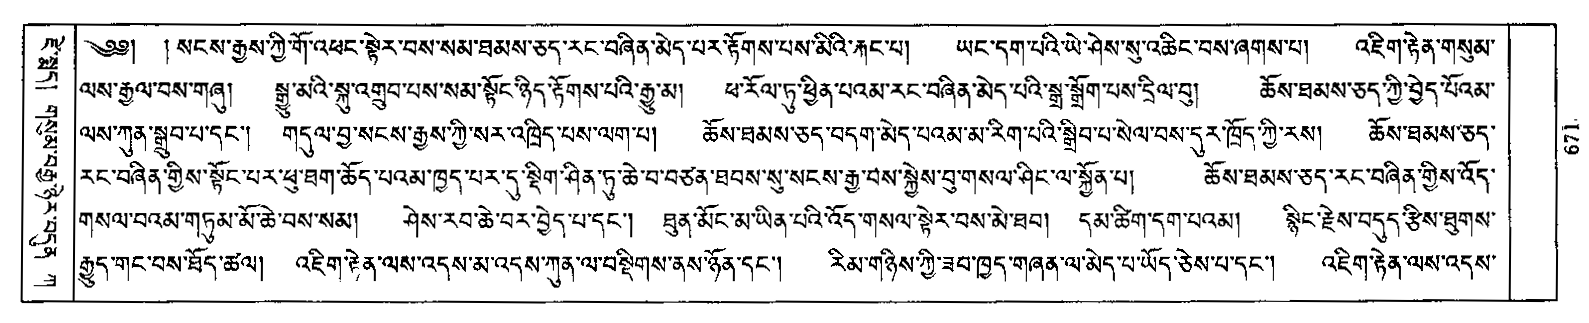༄༅། །སངས་རྒྱས་ཀྱི་གོ་འཕང་སྟེར་བས་སམ་ཐམས་ཅད་རང་བཞིན་མེད་པར་རྟོགས་པས་མིའི་རྐང་པ། ཡང་དག་པའི་ཡེ་ཤེས་སུ་འཆིང་བས་ཞགས་པ། འཇིག་རྟེན་གསུམ་
ལས་རྒྱལ་བས་གཞུ། སྒྱུ་མའི་སྐུ་འགྲུབ་པས་སམ་སྟོང་ཉིད་རྟོགས་པའི་རྒྱུ་མ། ཕ་རོལ་ཏུ་ཕྱིན་པའམ་རང་བཞིན་མེད་པའི་སྒྲ་སྒྲོག་པས་དྲིལ་བུ། ཆོས་ཐམས་ཅད་ཀྱི་བྱེད་པོའམ་
ལས་ཀུན་སྒྲུབ་པ་དང་། གདུལ་བྱ་སངས་རྒྱས་ཀྱི་སར་འཁྲིད་པས་ལག་པ། ཆོས་ཐམས་ཅད་བདག་མེད་པའམ་མ་རིག་པའི་སྒྲིབ་པ་སེལ་བས་དུར་ཁྲོད་ཀྱི་རས། ཆོས་ཐམས་ཅད་
རང་བཞིན་གྱིས་སྟོང་པར་ཕུ་ཐག་ཆོད་པའམ་ཁྱད་པར་དུ་སྡིག་ཤིན་ཏུ་ཆེ་བ་བཙན་ཐབས་སུ་སངས་རྒྱས་བས་སྐྱེས་བུ་གསལ་ཤིང་ལ་སྐྱོན་པ། ཆོས་ཐམས་ཅད་རང་བཞིན་གྱིས་འོད་
གསལ་བའམ་གཏུམ་མོ་ཆེ་བས་སམ། ཤེས་རབ་ཆེ་བར་བྱེད་པ་དང་། ཐུན་མོང་མ་ཡིན་པའི་འོད་གསལ་སྟེར་བས་མེ་ཐབ། དམ་ཚིག་དག་པའམ། སྙིང་རྗེས་བདུད་རྩིས་ཐུགས་
རྒྱུད་གང་བས་ཐོད་ཚལ། འཇིག་རྟེན་ལས་འདས་མ་འདས་ཀུན་ལ་བསྡིགས་ནས་ཉོན་དང་། རིམ་གཉིས་ཀྱི་ཟབ་ཁྱད་གཞན་ལ་མེད་པ་ཡོད་ཅེས་པ་དང་། འཇིག་རྟེན་ལས་འདས་